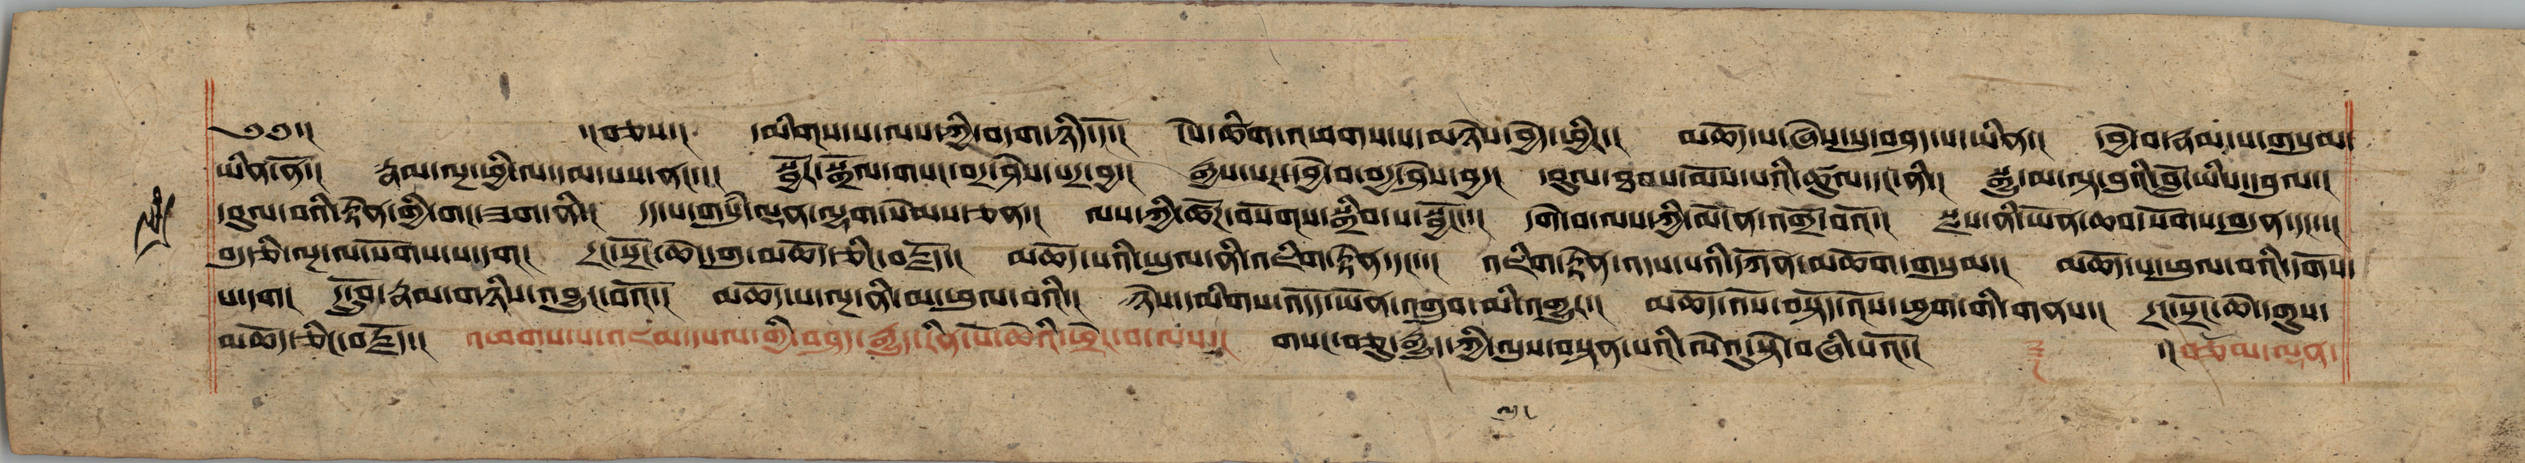༄༅་། ་།བཅས་། དམིགས་པ་ལས་ཀྱི་བདག་ཉིད་དོ་། ངེས་ཚིག་འཕགས་པ་མཉེས་བྱེད་ཕྱིར་། མཆོད་པ་ཞེས་སུ་བཤད་པ་ཡིན་། དབྱེ་བ་རྣམ་པ་གསུམ་
ཡིན་ནོ་། རྣམ་ལྔ་ཕྱི་ལ་དམ་པས་ནང་་། སྦྱོར་སྒྲོལ་གསང་བར་ཤེས་པར་བྱ་། རྒྱས་པར་དབྱེ་བ་བདྱ་ཤེས་བྱ་། དབུལ་ཐབས་མོས་པའི་ཚུལ་དང་ནི་། སྒྱུ་མ་ལྟ་བུའི་བློ་ཡིས་དབུལ་།
དབུལ་བའི་རྟེན་གྱི་གང་ཟག་ནི་། དད་པ་གསུཾ་ལྡན་ལྷག་སེམས་ཅན་། ལས་ཀྱི་ཚོཌ་བསོགས་སྒྲིབ་པ་སྦྱོང་་། དགེ་བ་ལས་ཀྱི་མངོན་འགྲོ་བའོ་། སྫས་ནི་ཡོན་ཆབ་སོགས་བདུན་དང་་།
བདུད་རྩི་ལྔ་ལ་སོགས་པ་དག། དྲང་སྲོང་ཆེ་དགུ་མཆོད་ཅིང་བརྗོད་། མཆོད་པའི་ཡུལ་ནི་འཇིག་རྟེན་དང་་། འཇིག་རྟེན་འདས་པའི་དཀོན་མཆོག་གསུམ་། མཆོད་པ་ཕུལ་བའི་དགོས་
པ་དག། དངྲོུབ་རྣམ་གཉིས་འབྱུང་བའོ་། མཆོད་པ་ལྔ་ནི་མ་ཕུལ་བའི་། ཉེས་དམིགས་འདོད་ཡོན་འགྲུབ་མི་འགྱུར་། མཆོད་འོས་བསྟོད་འོས་ཕྱག་གི་གནས་། དྲང་སྲོང་ཆེ་དགུས་
མཆོད་ཅིང་བརྗོད་། འཕགས་པ་འཇམ་དཔལ་གྱི་བཤད་རྒྱུད་རིན་པོ་ཆེའི་ཕྲེང་བ་ལས་། གསང་བཅུ་རྒྱུད་ཀྱི་ལུས་བསྟན་པའི་ལེའུ་སྟེ་བཞི་པའོ་། ༈ ་།བཅོམ་ལྡན་